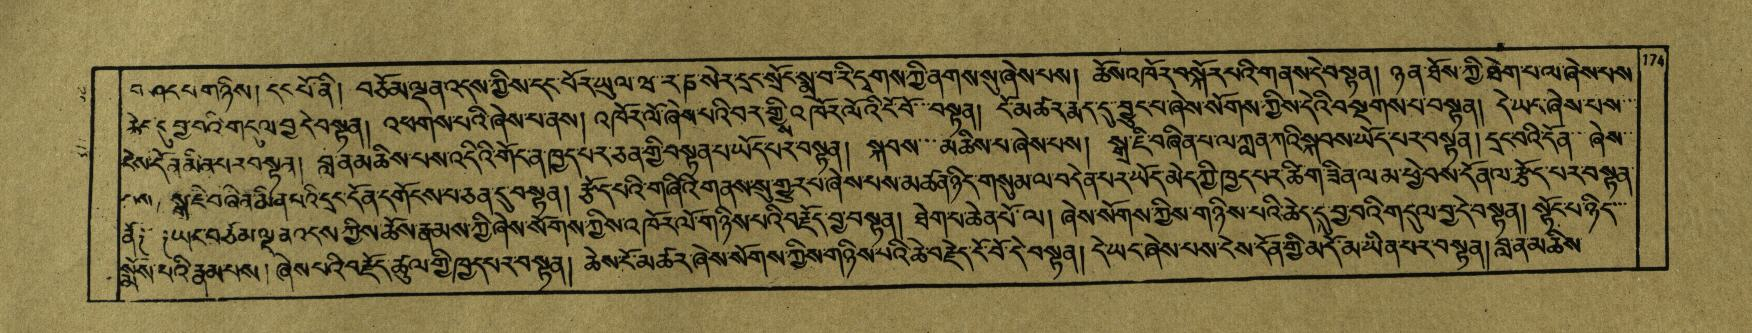བཤད་པ་གཉིས། དང་པོ་ནི། བཅོམ་ལྡན་འདས་ཀྱིས་དང་པོར་ཡུལ་ཝ་ར་ཎ་སེར་དྲང་སྲོང་སྨྲ་བ་རི་དྭགས་ཀྱི་ནགས་སུ་ཞེས་པས། ཆོས་འཁོར་བསྐོར་པའི་གནས་དེ་བསྟན། ཉན་ཐོས་ཀྱི་ཐེག་པ་ལ་ཞེས་པས་
ཆེད་དུ་བྱ་བའི་གདུལ་བྱ་དེ་བསྟན། འཕགས་པའི་ཞེས་པ་ནས། འཁོར་ལོ་ཞེས་པའི་བར་གྱིས་འཁོར་ལོའི་ངོ་བོ་བསྟན། ངོ་མཚར་རྨད་དུ་བྱུང་པ་ཞེས་སོགས་ཀྱིས་དེའི་བསྔགས་པ་བསྟན། དེ་ཡང་ཞེས་པས་
དེས་དོན་མིན་པར་བསྟན། བླ་ན་མཆིས་པས་འདིའི་གོང་ན་ཁྱད་པར་ཅན་གྱི་བསྟན་པ་ཡོད་པར་བསྟན། སྐབས་མཆིས་པ་ཞེས་པས། སྒྲ་ཇི་བཞིན་པ་ལ་ཀླན་ཀའི་སྐབས་ཡོད་པར་བསྟན། དྲང་བའི་དོན་ཞེས་
པས༑ སྒྲ་ཇི་བཞིན་མིན་པའི་དྲང་དོན་དགོངས་པ་ཅན་དུ་བསྟན། རྩོད་པའི་གཞིའི་གནས་སུ་གྱུར་པ་ཞེས་པས་མཚན་ཉིད་གསུམ་ལ་བདེན་པར་ཡོད་མེད་ཀྱི་ཁྱད་པར་ཚིག་ཟིན་ལ་མ་ཕྱེ་བས་དོན་ལ་རྩོད་པར་བསྟན་
ནོ༑ ༑ཡང་བཅོམ་ལྡན་འདས་ཀྱིས་ཆོས་རྣམས་ཀྱི་ཞེས་སོགས་ཀྱིས་འཁྲོ་ལོ་གཉིས་པའི་བརྗོད་བྱ་བསྟན། ཐེག་པ་ཆེན་པོ་ལ། ཞེས་སོགས་ཀྱིས་གཉིས་པའི་ཆེད་དུ་བྱ་བའི་གདུལ་བྱ་དེ་བསྟན། སྟོང་པ་ཉིད་
སྨོས་པའི་རྣམ་པས། ཞེས་པའི་བརྗོད་ཚུལ་གྱི་ཁྱད་པར་བསྟན། ཆེས་ངོ་མཚར་ཞེས་སོགས་ཀྱིས་གཉིས་པའི་ཆེ་བརྗེད་ངོ་བོ་དེ་བསྟན། དེ་ཡང་ཞེས་པས་ངེས་དོན་གྱི་མདོ་མ་ཡིན་པར་བསྟན། བླ་ན་མཆིས་